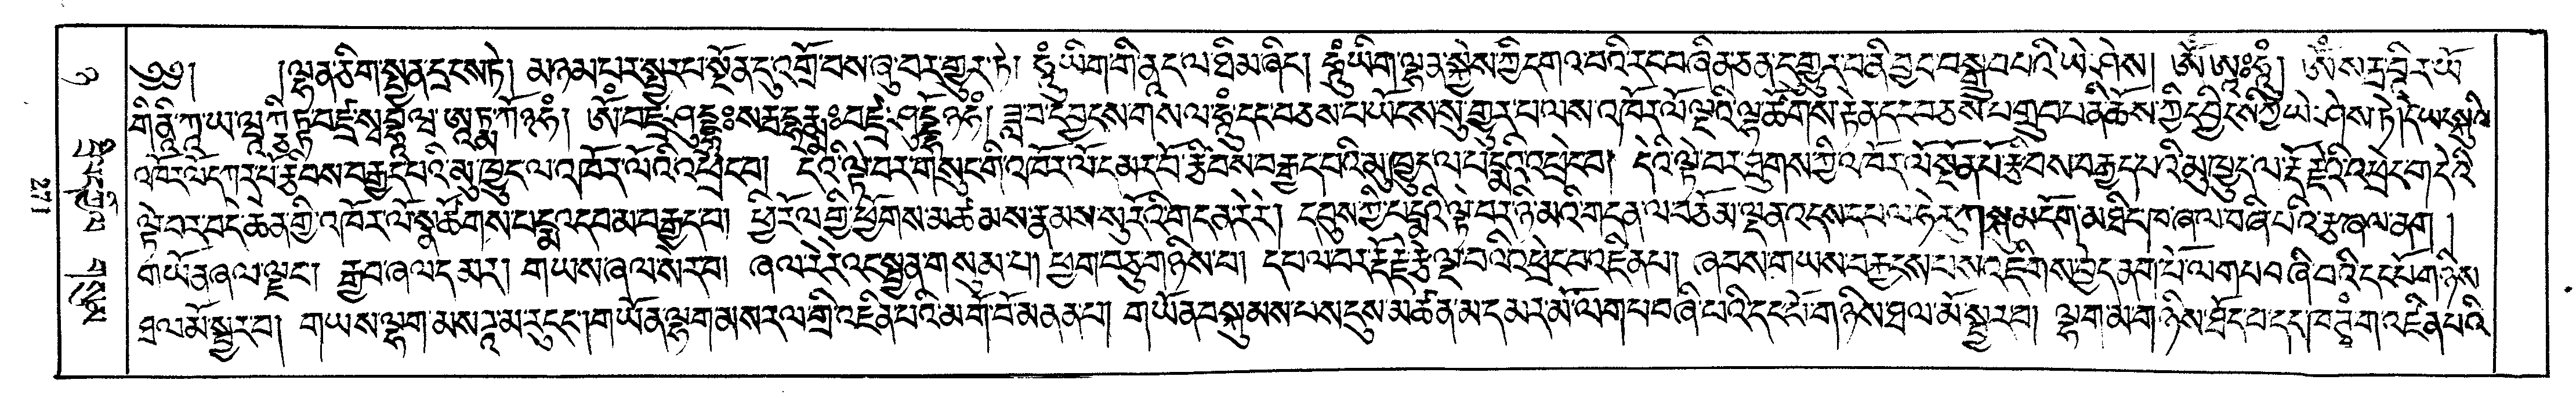༄༅། །ལྷན་ཅིག་སྤྱན་དྲངས་ཏེ། མཉམ་པར་སྦྱར་བ་སྔོན་དུ་འགྲོ་བས་ཞུ་བར་གྱུར་ཏེ། ཧཱུཾ་ཡིག་གི་ནཱ་ད་ལ་ཐིམ་ཞིང་། ཧཱུཾ་ཡིག་ལྷན་སྐྱེས་ཀྱི་དགའ་བའི་རང་བཞིན་ཅན་དུ་གྱུར་པ་ནི་བྱ་བ་བསྒྲུབ་པའི་ཡེ་ཤེས། ཨོཾ་ཨཱཿ ཧཱུཾ། ཨོཾ་སརྦ་བའི་ར་ཡོ་
གི་ནཱི་ཀཱ་ཡ་ཝཱ་ཀྩིཏྟ་བཛྲ་སྭ་བྷཱ་ཝ་ཨཱཏྨ་ཀོཉཧཾ། ཨོཾ་བཛྲ་ཤུདྡྷཱཿ སརྦ་དྷརྨྨཿ བཛྲ་ཤུདྡྷོཉཧཾ། ཟླ་བ་དབྱས་གསལ་ཧཱུཾ་དང་བཅས་པ་ཡོངས་སུ་གྱུར་པ་ལས། འཁོར་ལོ་ལྔའི་ལྷ་ཚོགས་རྟེན་དང་བཅས་པ་གྲུབ་པ་ནི་ཆོས་ཀྱི་དབྱིངས་ཀྱི་ཡེ་ཤེས་ཏེ། དེ་ཡང་སྐུའི་
འཁོར་ལོ་དཀར་པོ་རྩིབས་བརྒྱད་པའི་མུ་ཁྱུད་ལ་འཁོར་ལོའི་འཕྲེང་བ། དེའི་ལྟེ་བར་གསུང་གི་འཁོར་ལོ་དམར་པོ་རྩིབས་བརྒྱད་པའི་མུ་ཁྱུད་ལ་པདམའི་འཕྲེང་བ། དེའི་ལྟེ་བར་ཐུགས་ཀྱི་འཁོར་ལོ་སྔོན་པོ་རྩིབས་བརྒྱད་པའི་མུ་ཁྱུད་ལ་རྡོ་རྗེའི་འཕྲེང་བ། དེའི་
ལྟེ་བར་བདེ་ཆེན་གྱི་འཁོར་ལོ་སྣ་ཚོགས་པདམ་འདབ་མ་བརྒྱད་པ། ཕྱི་རོལ་གྱི་ཕྱོགས་མཚམས་རྣམས་སུ་རོའི་གདན་རེ་རེ། དབུས་ཀྱི་པདམའི་ལྟེ་བར་ཉི་མའི་གདན་ལ་བཅོམ་ལྡན་འདས་དཔལ་ཧེ་རུ་ཀ་སྐུ་མདོག་མཐིང་ཁ་ཞལ་བཞི་པའི་རྩ་ཞལ་ནག །
གཡོན་ཞལ་ལྗང་། རྒྱབ་ཞལ་དམར། གཡས་ཞལ་སེར་བ། ཞལ་རེ་རེའང་སྤྱན་གསུམ་པ། ཕྱག་བཅུ་གྱིས་པ། དཔྲལ་བར་རྡོ་རྗེ་རྩེ་ལྔ་པའི་འཕྲེང་བ་འཇིན་པ། ཞབས་གཡས་བརྐྱངས་པས་འཇིགས་བྱེད་ནག་པོ་ལག་པ་བཞི་པའི་དང་པོ་གཉིས་
ཐལ་མོ་སྦྱར་བ། གཡས་ལྷག་མས་ཌཱ་མ་རུ་དང་། གཡོན་ལྷག་མས་རལ་གྲི་འཛིན་པའི་མགོ་བོ་མནན་པ། གཡོན་པ་སྐུམས་པས་དུས་མཚན་མ་དམར་མོ་ལག་པ་བཞི་པའི་དང་པོ་གཉིས་ཐལ་མོ་སྦྱར་བ། ལྷག་མ་གཉིས་ཐོད་པ་དང་ཁཊྭཱཾ་ག་འཛིན་པའི་